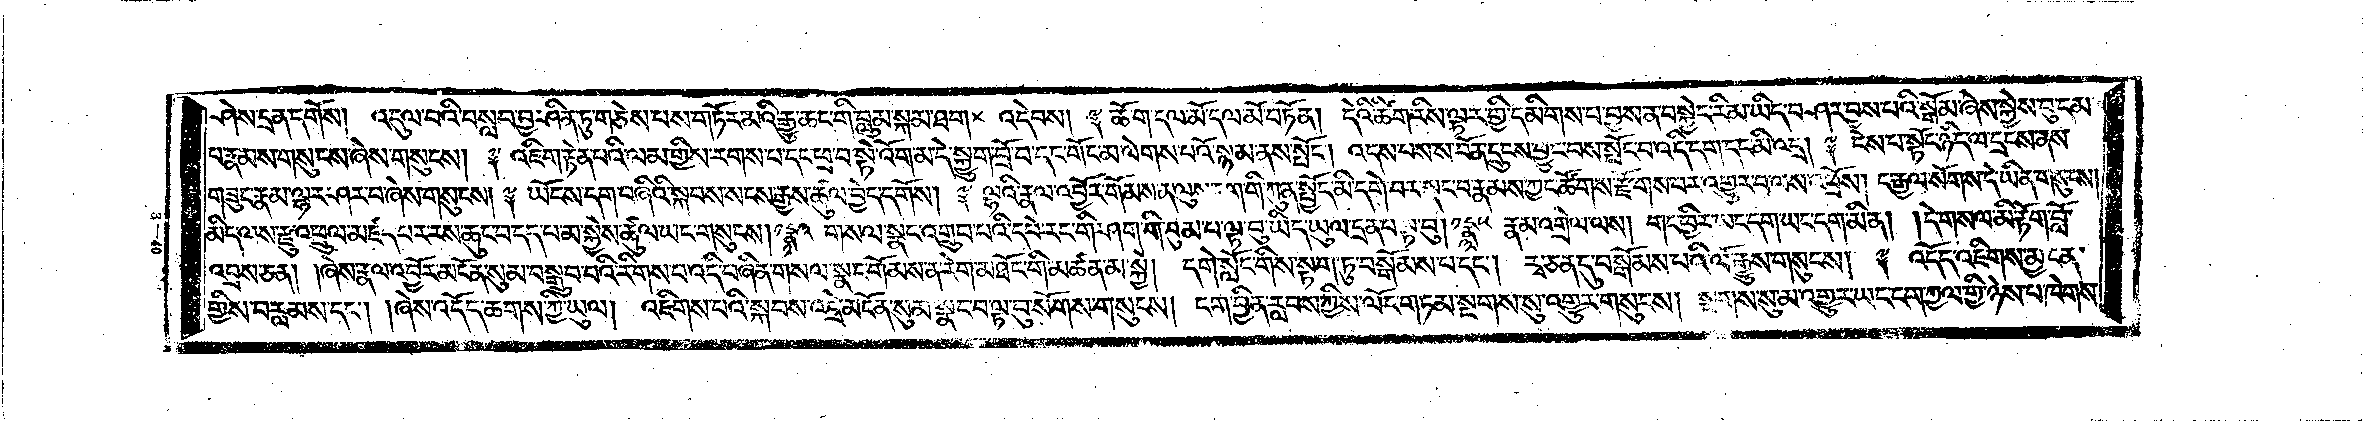ཤེས་དྲན་དགོས། འདུལ་བའི་བསླབ་བྱ་ཤིན་ཏུ་གཅེས་པས་གཏོར་མའི་རྒྱུ་ཆང་གི་བླུམ་སྐམ་ཐག྾་འདེབས། ༈ ཆོ་ག་དལ་མོ་དལ་མོ་བཏོན། དེའི་ཚིག་རིས་ལྟར་གྱི་དམིགས་པ་བྱས་ན་བསྐྱེད་རིམ་ཡིད་བཤར་བྱས་པའི་སྒོམ་ཞེས་སྐྱེས་བུ་དམ་
པ་རྣམས་གསུངས་ཞེས་གསུངས། ༈ འཇིག་རྟེན་པའི་ལམ་གྱིས་རགས་པ་དང་ཕྲ་པ་སྟེ་འོག་མ་དེ་སྐྱུག་བྲོ་བ་དང་གོང་མ་ལེགས་པའོ་སྙམ་ནས་སྤོང་། འདས་པས་ས་བོན་དྲུངས་ཕྱུང་བས་སྤོང་བ་འདི་དག་དང་མི་འདྲ། ༈ ངེས་པ་སྟོང་ཉིད་ལ་དྲངས་ནས་
གཟུང་རྣམ་ལྷར་ཤར་བ་ཞེས་གསུངས། ༈ ཡོངས་དག་བཞིའི་སྐབས་སངས་རྒྱས་ཚུལ་བྱེད་དགོས། ༈ ལྷའི་རྣལ་འབྱོར་གོམས་ན་ལུས་ངག་གི་ཀུན་སྤྱོད་མི་དགེ་བར་སྡང་བ་རྣམས་ཀྱང་ཚོགས་རྫོགས་པར་འགྱུར་བ་ལས་འཕྲོས། ང་རྒྱལ་སོགས་དེ་ཡིན་གསུངས།
མིད་ལས་རྫུ་འཕྲུལ་མཛད་པར་རས་ཆུང་བ་དད་པ་མ་སྐྱེས་ཚུལ་ཡང་གསུངས། ༡༨༣ན༡་གསལ་སྣང་འགྲུབ་པའི་དཔེ་རང་གི་ཤག་གི་བུམ་པ་ལྟ་བུ་ཡིད་ཡུལ་དྲན་པ་སྟ་བུ། ༡༨༥ན༣་རྣམ་འགྲེལ་ལས། གང་ཕྱིར་ཡང་དག་ཡང་དག་མིན། །དེ་གསལ་མི་རྟོག་བློ་
འབྲས་ཅན། །ཞེས་རྣལ་འབྱོར་མངོན་སུམ་བསྒྲུབ་བའི་རིགས་པ་འདི་བཞིན་གསལ་སྣང་གོམས་ན་རེག་མཐོང་གི་མཚན་མ་སྐྱེ། དགེ་སློང་གིས་སྟག་ཏུ་བསྒོམས་པ་དང་། རྭ་ཅན་དུ་བསྒོམས་པའི་ལོ་རྒྱུས་གསུངས། ༈ འདོད་འཇིགས་མྱ་ངན་
གྱིས་བརླམས་དང་། །ཞེས་འདོད་ཆགས་ཀྱི་ཡུལ། འཇིགས་པའི་སྐབས་འདྲེ་མངོན་སུམ་སྣང་བ་ལྟ་བུ་སོགས་གསུངས། དག་བྱིན་རླབས་ཀྱིས་ལོང་གཏམ་སྔགས་སུ་འགྱུར་གསུངས། སྔགས་སུ་མ་འགྱུར་ཡང་དག་ཀྱལ་གྱི་ཉེས་པ་ཁེགས་